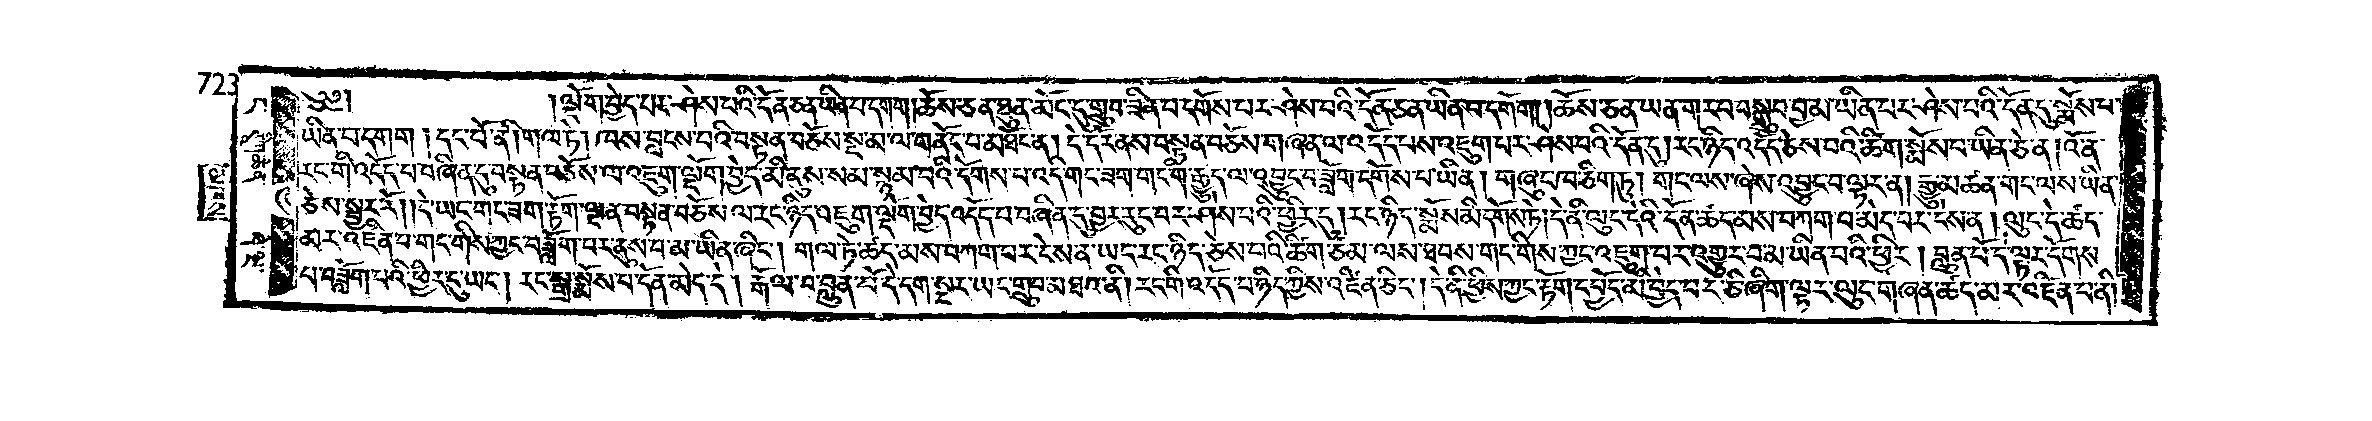༄༅། །ལྡོག་བྱེད་པར་ཤེས་པའི་དོན་ཅན་ཡིན་པ་དགག། ཆོས་ཅན་ཐུན་མོང་དུ་གྲུབ་ཟིན་པ་དགོས་པར་ཤེས་པའི་དོན་ཅན་ཡིན་པ་དགོག །ཆོས་ཅན་ཡན་གར་བ་བསྒྲུབ་བྱ་མ་ཡིན་པར་ཤེས་པའི་དོན་དུ་སྨོས་པ་
ཡིན་པ་དགག །དང་པོ་ནི། གལ་ཏེ། ཁས་བླངས་པའི་བསྟན་བཅོས་སྔ་མ་ལ་གནོད་པ་མཐོང་ན། དེ་ངོར་ནས་བསྟན་བཅོས་གཞན་ལ་འདོད་པས་འཇུག་པར་ཤེས་པའི་དོན་དུ། རང་ཉིད་འདོད་ཅེས་པའི་ཚིག་སྨོས་པ་ཡིན་ཅེ་ན། འོ་ན་
རང་གི་འདོད་པ་བཞིན་དུ་བསྟན་བཅོས་ལ་འཇུག་ལྐོག་བྱེད་མི་ནུས་སམ་སྙམ་པའི་དོག་པ་འདི་གང་ཟག་གི་རྒྱུད་ལ་འབྱུང་བ་ཟློག་དགོས་པ་ཡིན། གཞུང་ཁ་ཅིག་ཏུ། གང་ལས་ཞེས་འབྱུང་བ་ལྟར་ན། རྒྱུ་མཚན་གང་ལས་ཡིན་
ཅེས་སྦྱར་རོ། །དེ་ཡང་གང་ཟག་རྟོག་ལྡན་བསྟན་བཅོས་ལ་རང་ཉིད་འཇུག་ལྡོག་བྱེད་འདོད་པ་བཞིན་དུ་བྱར་རུང་བར་ཤེས་པའི་ཕྱིར་དུ། རང་ཉིད་སྨོས་མི་དགོས་ཏེ། དེ་ནི་ལུང་དེའི་དོན་ཚད་མས་བཀག་པ་མེད་པར་ངེས་ན། ལུང་དེ་ཚད་
མར་འཛིན་པ་གང་གིས་ཀྱང་བཟློག་པར་ནུས་པ་མ་ཡིན་ཞིང་། གལ་ཏེ་ཚད་མས་བཀག་པར་ངེས་ན་ཡང་རང་ཉིད་ཅེས་པའི་ཚིག་ཙམ་ལས་ཐབས་གང་གིས་ཀྱང་འཇུག་པར་འགྱུར་བ་མ་ཡིན་པའི་ཕྱིར། བླུན་པོ་དེ་ལྟར་དོགས་
པ་བཟློག་པའི་ཕྱིར་དུ་ཡང་། རང་སྒྲ་སྨྲོས་པ་དོན་མེད་དེ། རྒོལ་བ་བླུན་པོ་དེ་དག་སྔར་ཡང་གྲུབ་མཐའ་ནི། རང་གི་འདོད་པ་ཉིད་ཀྱིས་འཛིན་ཅིང་། དེ་ནི་ཕྱིས་ཀྱང་རྟོག་དཔྱོད་མི་བྱེད་པར་ཅི་ཞིག་ལྟར་ལུང་གཞན་ཚད་མར་འཛིན་པ་ནི།